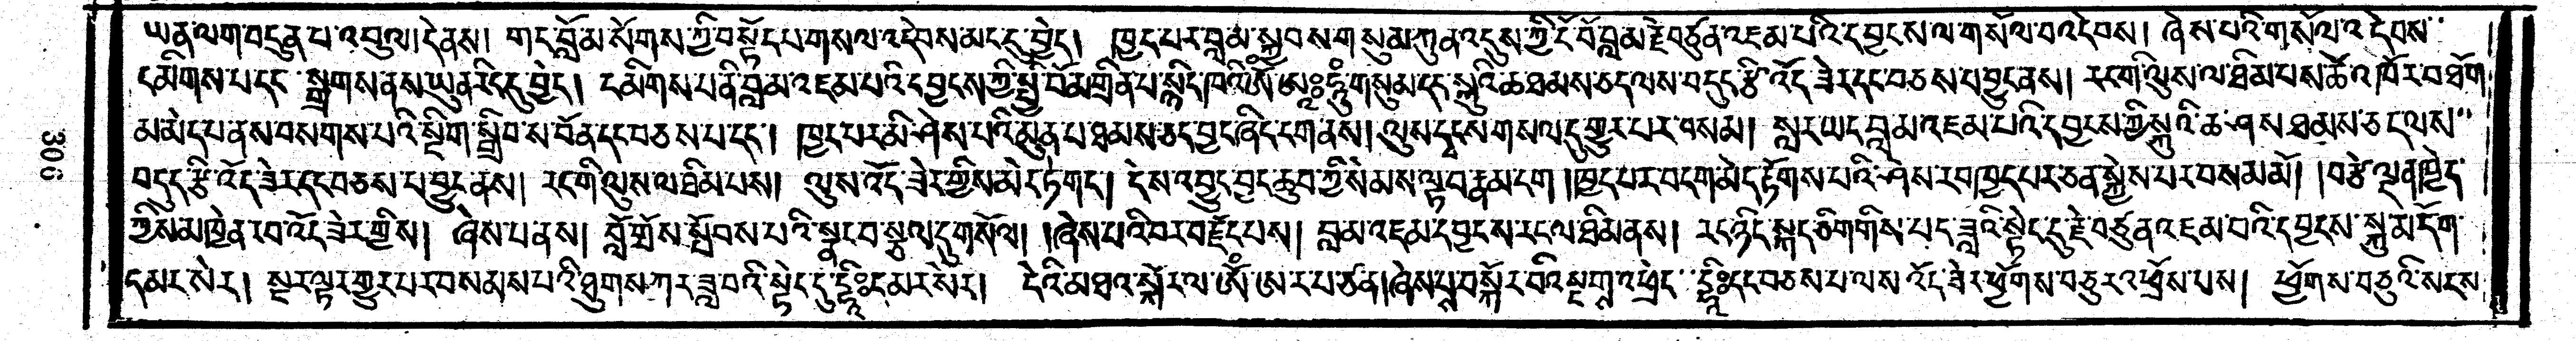ཡན་ལག་བདུན་པ་འབུལ། དེ་ནས། གང་བློ་མ་སོགས་ཀྱི་བསྟོད་པ་གསལ་འདེབས་མང་དུ་བྱེད། ཁྱད་པར་བླ་མ་སྐྱབས་གསུམ་ཀུན་འདུས་ཀྱི་ངོ་བོ་བླ་མ་རྗེ་བཙུན་འཇམ་པའི་དབྱངས་ལ་གསོལ་བ་འདེབས། ཞེས་པའི་གསོལ་འདེབས་
དམིགས་པ་དང་སྒྲགས་ནས་ཡུན་རིང་དུ་བྱེད། དམིགས་པ་ནི་བླ་མ་འཇམ་པའི་དབྱངས་ཀྱི་སྤྱི་བོ་མགྲིན་པ་སྙིང་ཁའི་ཨོཾ་ཨཱཿ ཧཱུཾ་གསུམ་དང་སྐུའི་ཆ་ཐམས་ཅད་ལས་བདུད་རྩི་འོད་ཟེར་དང་བཅས་པ་བྱུང་ནས། རང་གི་ལུས་ལ་ཐིམ་པས་ཚེ་འཁོར་བ་ཐོག་
མ་མེད་པ་ནས་བསགས་པའི་སྡིག་སྒྲིབ་ས་བོན་དང་བཅས་པ་དང་། ཁྱད་པར་མི་ཤེས་པའི་མུན་པ་ཐམས་ཅད་བྱང་ཞིང་དག་ནས། ལུས་དྭངས་གསལ་དུ་གྱུར་པར་བསམ། སླར་ཡང་བླ་མ་འཇམ་པའི་དབྱངས་ཀྱི་སྐུའི་ཆ་ཤས་ཐམས་ཅད་ལས་
བདུད་རྩི་འོད་ཟེར་དང་བཅས་པ་བྱུང་ནས། རང་གི་ལུས་ལ་ཐིམ་པས། ལུས་འོད་ཟེར་གྱིས་མེར་ཏེ་གང་། དེས་འབྱུང་བྱང་ཆུབ་ཀྱི་སེམས་ལྟ་བ་རྣམ་དག །ཁྱད་པར་བདག་མེད་རྟོགས་པའི་ཤེས་རབ་ཁྱད་པར་ཅན་སྐྱེས་པར་བསམ་མོ། །བརྩེ་ལྡན་ཁྱེད་
ཀྱིས་མཁྱེན་རབ་འོད་ཟེར་གྱིས། ཞེས་པ་ནས། བློ་གྲོས་སྤོབས་པའི་སྣང་བ་སྩལ་དུ་གསོལ། །ཞེས་པའི་བར་བརྗོད་པས། བླ་མ་འཇམ་དབྱངས་རང་ལ་ཐིམ་ནས། རང་ཉིད་སྐད་ཅིག་གིས་པད་ཟླའི་སྟེང་དུ་རྗེ་བཙུན་འཇམ་པའི་དབྱངས་སྐུ་མདོག་
དམར་སེར། སྔར་ལྟར་གྱུར་པར་བསམས་པའི་ཐུགས་ཀར་ཟླ་བའི་སྟེང་དུ་དྷའིཿ དམར་སེར། དེའི་མཐའ་སྐོར་ལ་ཨོཾ་ཨ་ར་པ་ཙ་ན། ཞེས་པས་བསྐོར་བའི་སྔགས་འཕྲེང་དྷའིཿ དང་བཅས་པ་ལས་འོད་ཟེར་ཕྱོགས་བཅུར་འཕྲོས་པས། ཕྱོགས་བཅུའི་སངས་